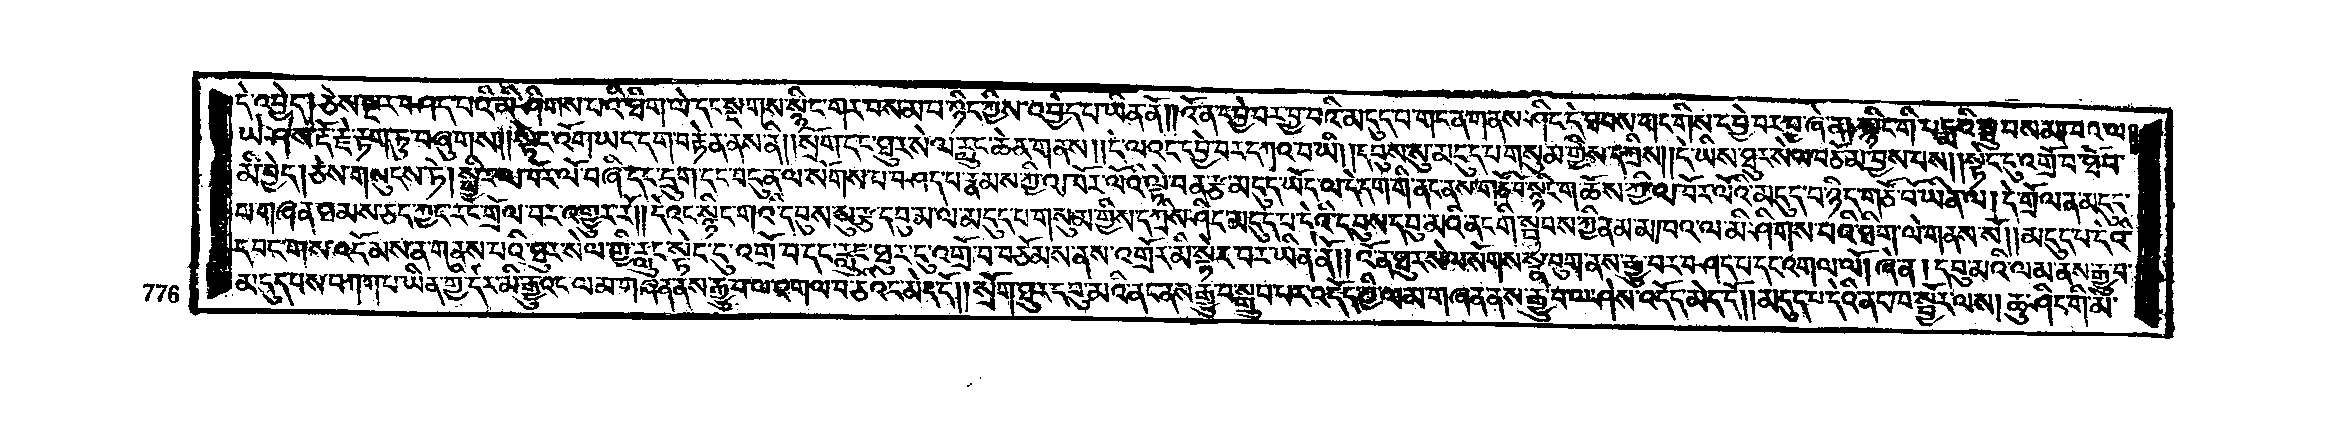དེ་འབྱེད། ཅེས་སྔར་བཤད་པའི་མི་ཤིགས་པའི་ཐིག་ལེ་དང་སྔགས་སྙིང་གར་བསམ་པ་ཉིད་ཀྱིས་འབྱེད་པ་ཡིན་ནོ། །འོ་ན་དབྱེ་བར་བྱ་བའི་མདུད་པ་གང་ན་གནས་ཤིང་དེ་ཐབས་གང་གིས་དབྱེ་བར་བྱ་ཞེ་ན། སྙིང་གི་པདམའི་སྦུབས་མཁའ་ལ། །
ཡེ་ཤེས་རྡོ་རྗེ་རྟག་ཏུ་བཞུགས། །སྟེང་འོག་ཡང་དག་བརྟེན་ནས་ནི། །སྲོག་དང་ཐུར་སེལ་རླུང་ཆེན་གནས། །དེ་ལའང་དབྱེ་བར་དཀའ་བ་ཡི། །དབུས་སུ་མདུད་པ་གསུམ་གྱིས་དཀྲིས། །དེ་ཡིས་ཐུར་སེལ་བཅོམ་བྱས་པས། །སྟེང་དུ་འགྲོ་བ་ཐོབ་
མི་བྱེད། ཅེས་གསུངས་ཏེ། སྤྱིར་འཁོར་ལོ་བཞི་དང་དྲུག་དང་བདུན་ལ་སོགས་པ་བཤད་པ་རྣམས་ཀྱི་འཁོར་ལོའི་ལྟེ་བ་ན་རྩ་མདུད་ཡོད་ལ་དེ་དག་གི་ནང་ནས་གཙོ་བོ་སྙིང་ག་ཆོས་ཀྱི་འཁོར་ལོའི་མདུད་པ་ཉིད་གཙོ་བོ་ཡིན་ལ། དེ་གྲོལ་ན་མདུད་
པ་གཞན་ཐམས་ཅད་ཀྱང་རང་གྲོལ་བར་འགྱུར་རོ། །དེའང་སྙིང་གའི་དབུས་སུ་རྩ་དབུ་མ་ལ་མདུད་པ་གསུམ་གྱིས་དཀྲིས་ཤིང་མདུད་པ་དེའི་དབུས་དབུ་མའི་ནང་གི་སྦུབས་ཀྱི་ནམ་མཁའ་ལ་མི་ཤིགས་པའི་ཐིག་ལེ་གནས་སོ། །མདུད་པ་དེའི་
དབང་གིས་འདོམས་ན་གནས་པའི་ཐུར་སེལ་གྱི་རླུང་སྟེང་དུ་འགྲོ་བ་དང་རླུང་ཐུར་དུ་འགྲོ་བ་བཅོམས་ནས་འགྲོར་མི་སྟེར་བར་ཡིན་ནོ། །འོ་ན་ཐུར་སེལ་སོགས་སྣ་བུག་ནས་རྒྱུ་བར་བཤད་པ་དང་འགལ་ལོ། ཞེ་ན། དབུ་མའི་ལམ་ནས་རྒྱུ་བ་
མདུད་པས་བཀག་པ་ཡིན་གྱི་དེར་མི་རྒྱུ་འང་ལམ་གཞན་ནས་རྒྱུ་བ་ལ་འགལ་བ་ཅིའང་མེད་དོ། །སྲོག་ཐུར་དབུ་མའི་ནང་ནས་རྒྱུ་བ་སྒྲུབ་པར་འདོད་ཀྱི་ལམ་གཞན་ནས་རྒྱུ་བ་ལ་ཤེས་འདོད་མེད་དོ། །མདུད་པ་དེའི་ནང་ཁ་སྦྱོར་ལས། ཆུ་ཤིང་གི་མེ་